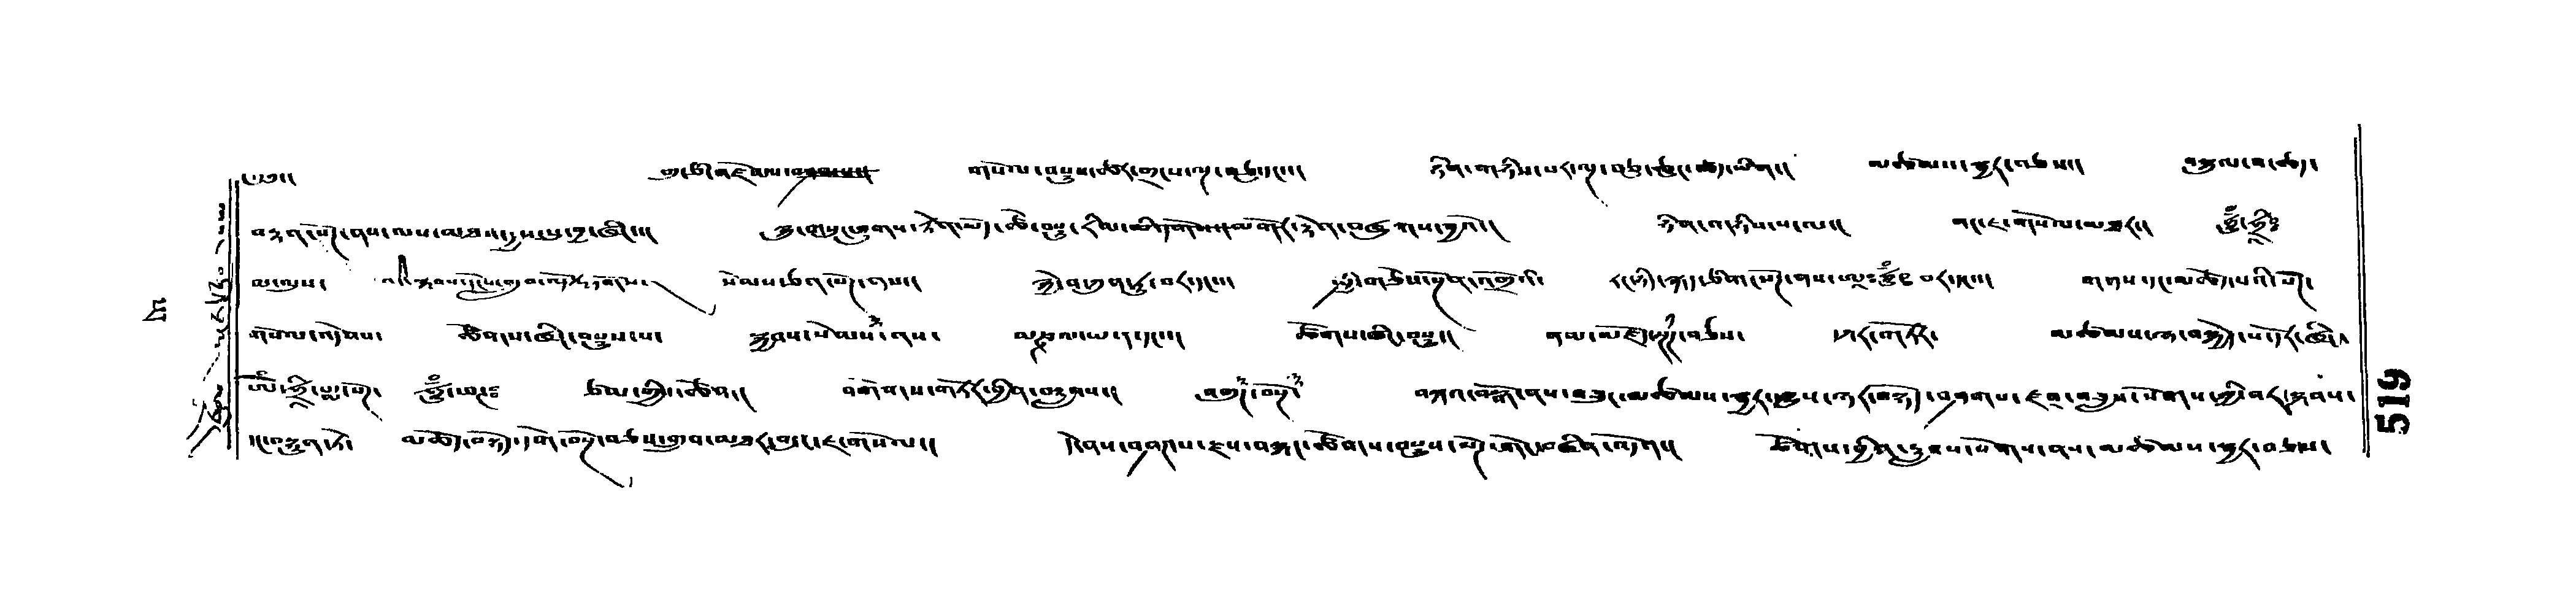འཛོམས། གསོལ་བསྡུས་ཚར་གྲངས་ལྔ་བཅུ་དང་། ཉིན་གཉིས་པར་ལྔ་བཅུ་ཆུང་ཚད་ཡིན། མཚམས་སྦྱར་བཅས། བསྐུལ་བ་ཆད་
བརྟན་སོགས་ནས་ལས་མཐའ་རྒྱས་སུ་བྱ་ཞིང་། སྐུ་གསུང་ཐུགས་རྟེན་ཡོད་ཚེ་བསྡུ་རིམ་རྟེན་བཞུགས་བྱའོ། ཉིན་གཉིས་པ་ལ། ནང་ཇ་གསོལ་མཐར། ཧཱུྃ་ཧྲཱིཿ 
མ་ལུས་སེམས་ཅན་སོགས་ནས། སྐྱེ་བ་ཀུན་ཏུ་བར་དང་། སྤྱི་གཅེས་སྔོན་འགྲོའི། རང་ཉིད་སྐད་ཅིག་སོགས་ནས། ས ཨཱཿཧཱུྃ༔ བར་དང་། གནས་དང་མཆོད་པའི་སོགས་
གསོལ་འདེབས། ཚོགས་ཞིང་བསྡུས་པ། སྐྱབས་སེམས་ནས། ས མཎྜལ་ཡན་དང་། ཚོགས་ཞིང་བསྡུ། ནམ་མཛོད་སྔགས་བཅས། དཀར་གཏོར། མཚམས་ལྷ་བསྐྱེད་པ་དོར་ཞིང་། 
ཨོཾ་ཧྲཱི་པདྨ་སོགས། ཧཱུྃ་ཕཊཿ ཙམ་གྱིས་ཆོག བགེགས་གཏོར་བྱིན་བརླབས། འགུགས་བསྔོ། བཀའ་བསྒོ་ནས་བཟུང་མཚམས་སྦྱར་དཀྱུས་གར་བསྟོད་བཤགས་འཛབ་བཟླས་སོགས་ཀྱི་བར་སྐབས་
དང་བསྟུན་ཏེ། མཆོད་བསྟོད་དགེ་བསྔོ་བཅས་གྲུབ་མཐར་གུང་ཇ་གསོལ། དེ་ནས་བཤགས་པ་རྫས་བསྐང་ཚོགས་བསྡུས་སོགས་གོང་བཞིན་འདོན། ཚོགས་བྱིན་རླབས་སོགས་ནས་མཚམས་སྦྱར་བཅས་